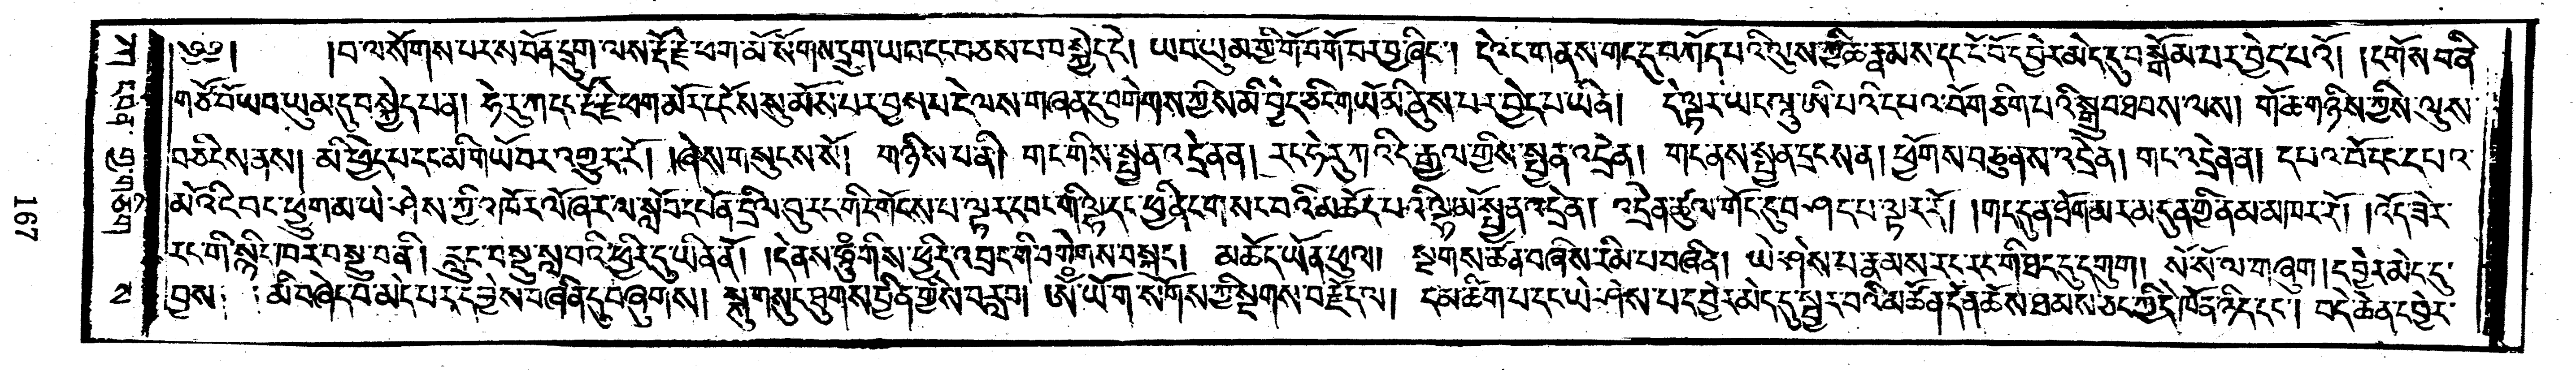༄༅། །བ་ལ་སོགས་པར་ས་བོན་དྲུག་ལས་རྡོ་རྗེ་ཕག་མོ་སོགས་དྲུག་ཡབ་དང་བཅས་པ་བསྐྱེད་དེ། ཡབ་ཡུམ་གྱི་གོ་བགོ་བར་བྱ་ཞིང་། དེའང་གནས་གང་དུ་བཀོད་པའི་ལུས་ཀྱི་ཆ་རྣམས་དང་ངོ་བོ་དབྱེར་མེད་དུ་བསྒོམ་པར་བྱེད་པའོ། །དགོས་བཞི་
གཙོ་བོ་ཡབ་ཡུམ་དུ་བསྐྱེད་པ་ན། ཧེ་རུ་ཀ་དང་རྡོ་རྗེ་ཕག་མོར་དངོས་སུ་མོས་པར་བྱས་པ་དེ་ལས་གཞན་དུ་བགེགས་ཀྱིས་མི་བྱེད་ཅིང་གཡོ་མི་ནུས་པར་བྱེད་པ་ཡིན། དེ་ལྟར་ཡང་ལཱུ་ཨི་པའི་དཔའ་བོ་གཅིག་པའི་སྒྲུབ་ཐབས་ལས། གོ་ཆ་གཉིས་ཀྱིས་ལུས་
བཅིངས་ནས། མི་ཕྱེད་པ་དང་མི་གཡོ་བར་འགྱུར་རོ། །ཞེས་གསུངས་སོ། གཉིས་པ་ནི། གང་གིས་སྤྱན་འདྲེན་ན། རང་ཧེ་རུ་ཀའི་ང་རྒྱལ་གྱིས་སྤྱན་འདྲེན། གང་ནས་སྤྱན་དྲངས་ན། ཕྱོགས་བཅུ་ནས་འདྲེན། གང་འདྲེན་ན། དཔའ་བོ་དང་དཔའ་
མོའི་དབང་ཕྱུག་མ་ཡེ་ཤེས་ཀྱི་འཁོར་ལོ་ཞར་ལ་སློབ་དཔོན་དྲིལ་བུ་རང་གི་དགོངས་པ་ལྟར་དབང་གི་ལྷ་དང་ཕྱི་ནང་གསང་བའི་མཆོད་པའི་ལྷ་མོ་སྤྱན་འདྲེན། འདྲེན་ཚུལ་གོང་དུ་བཤད་པ་ལྟར་རོ། །གང་དུ་ན་ཐོག་མར་མདུན་གྱི་ནམ་མཁར་རོ། །འོད་ཟེར་
རང་གི་སྙིང་ཁར་བསྡུ་བ་ནི། རླུང་བསྡུ་སླ་བའི་ཕྱིར་དུ་ཡིན་ནོ། །དེ་ནས་ཧཱུཾ་གིས་ཕྱིར་འབྲང་གི་བགེགས་བསྐང་། མཆོད་ཡོན་ཕུལ། སྔགས་ཚན་བཞིས་རིམ་པ་བཞིན། ཡེ་ཤེས་པ་རྣམས་རང་རང་གི་ཐད་དུ་དགུག། སོ་སོ་ལ་གཞུག །དབྱེར་མེད་དུ་
བྱས། །མི་བཞེད་བ་མེད་པར་དབྱེས་བཞིན་དུ་བཞུགས། སྐུ་གསུང་ཐུགས་བྱིན་གྱིས་བརླབ། ཨོཾ་ཡོ་ག་སོགས་ཀྱི་སྔགས་བརྗོད་ལ། དམ་ཚིག་པ་དང་ཡེ་ཤེས་པ་དབྱེར་མེད་དུ་སྦྱར་བའི་མཚོན་དོན་ཆོས་ཐམས་ཅད་ཀྱི་དེ་ཁོ་ན་ཉིད་དང་། བདེ་ཆེན་དབྱེར་